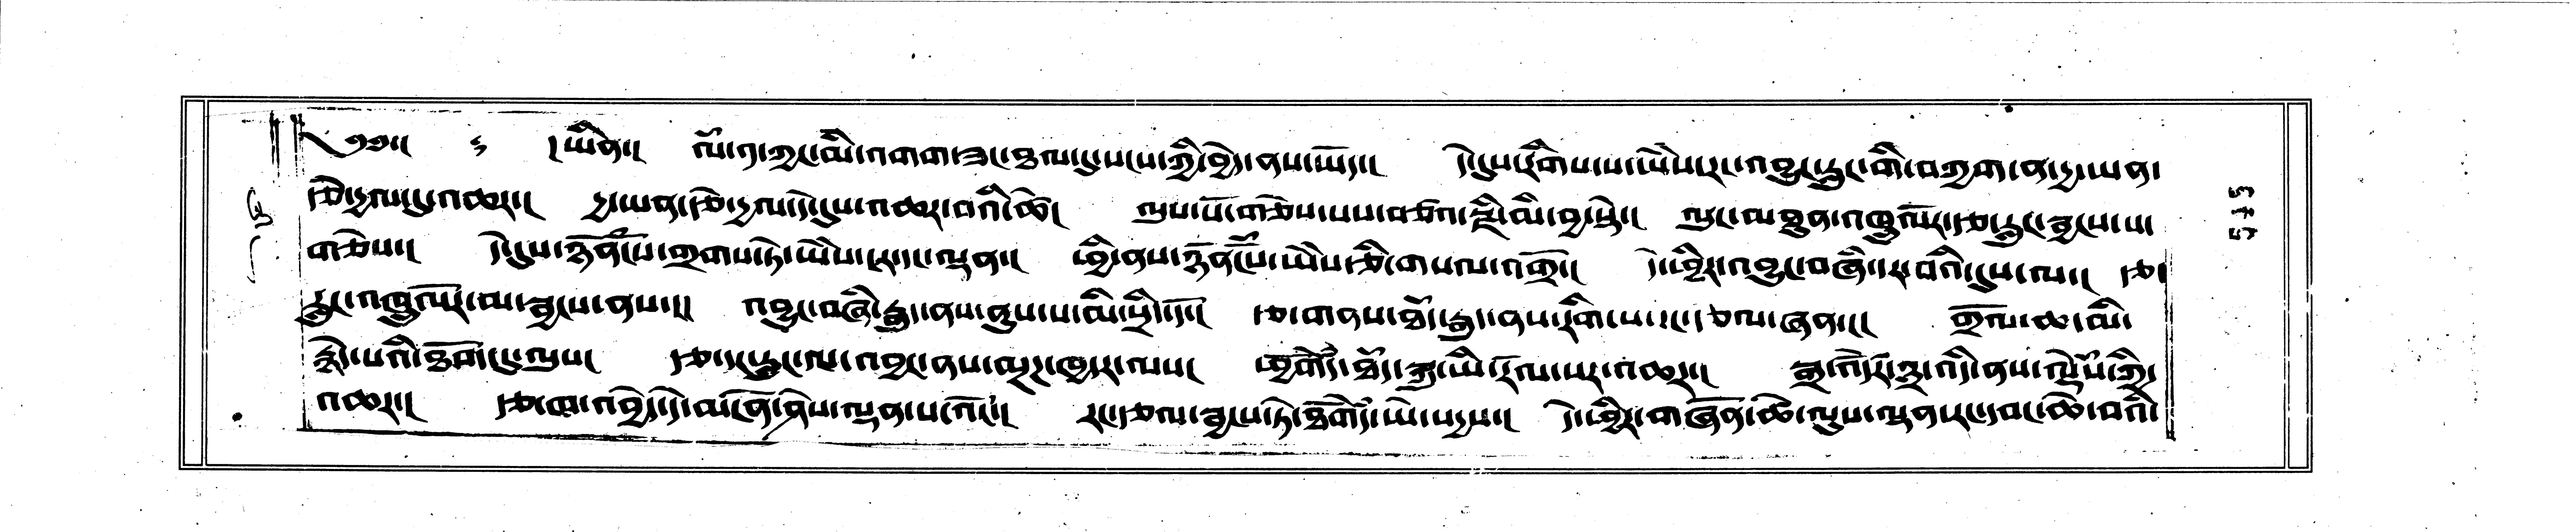ལམ། ཅིས་ཀྱང་མ་གྷག་(འགག)ཟང་ཐལ་དུ་སང་ཀྱི་ཕྱིན་ནས་ཡོད། དེ་དུས་རང་རིག་པའི་ཡེ་ཤེས་རང་འབྱུང་རླུང་གི་བཀྱག་ན་
རྒྱ་ཡན་དུ་འཆར། རྒྱ་ཡན་རྩེ་རྒྱལ་དེ་དུས་འཆར་བའི་ཚེ། ལུས་པོ་གཅེས་པའི་བཙའ་རྫི་མི་བྱ་སྟེ། ལུང་མཐུན་རྩ་རླུང་འཁྲུལ་འཁོར་སྦྱངས་པར་
ཅེས། དེ་དུས་ཉོན་མོངས་དྲག་སྟེ་ཡེ་ཤེས་ངར་དང་ལྡན། ཕྱིས་ན་ཉོན་མོངས་ཇེ་ཟད་ཡེ་ཤེས་ཇེ་གསལ་འགྲོ། དེ་ཕྱིར་འབྱུང་བཞི་དར་བའི་དུས་ལ། རྩ་
རླུང་འཁྲུལ་འཁོར་མ་སྦྱངས་ན། འབྱུང་བཞི་རྒུད་ནས་ནུས་པར་མི་སྲིད་དོ། རྩ་གནས་ཐམས་ཅད་རྒུད་ན་རིག་པའི་རང་རྩལ་ཞེན། གྲོལ་ཆ་མི་
རྙེད་བདེ་བའི་ཐོག་དུ་ལུས། རྩ་དང་རླུང་ལ་འབྱོང་ན་མེན་ངག་ཁྱད་པར་ལས། ཕྱོགས་མེད་ཐམས་ཅད་སྐུའི་རོལ་པ་འཆར། སྒྲ་འོད་ཟེར་གསུམ་འདི་ན་ལྡེམ་གྱི་
འཆར། རྩ་ཁ་བྱེ་སྟེ་མངོན་ཤེས་ལྡན་པའོ། རང་རྩལ་འབྱོང་སྟེ་ཐོགས་མེད་ཡེ་སངས་རྒྱས། དེ་ཕྱིར་གཞོན་ཚེའི་ལུས་ལྡན་རང་དབང་ཆེ་བའི་